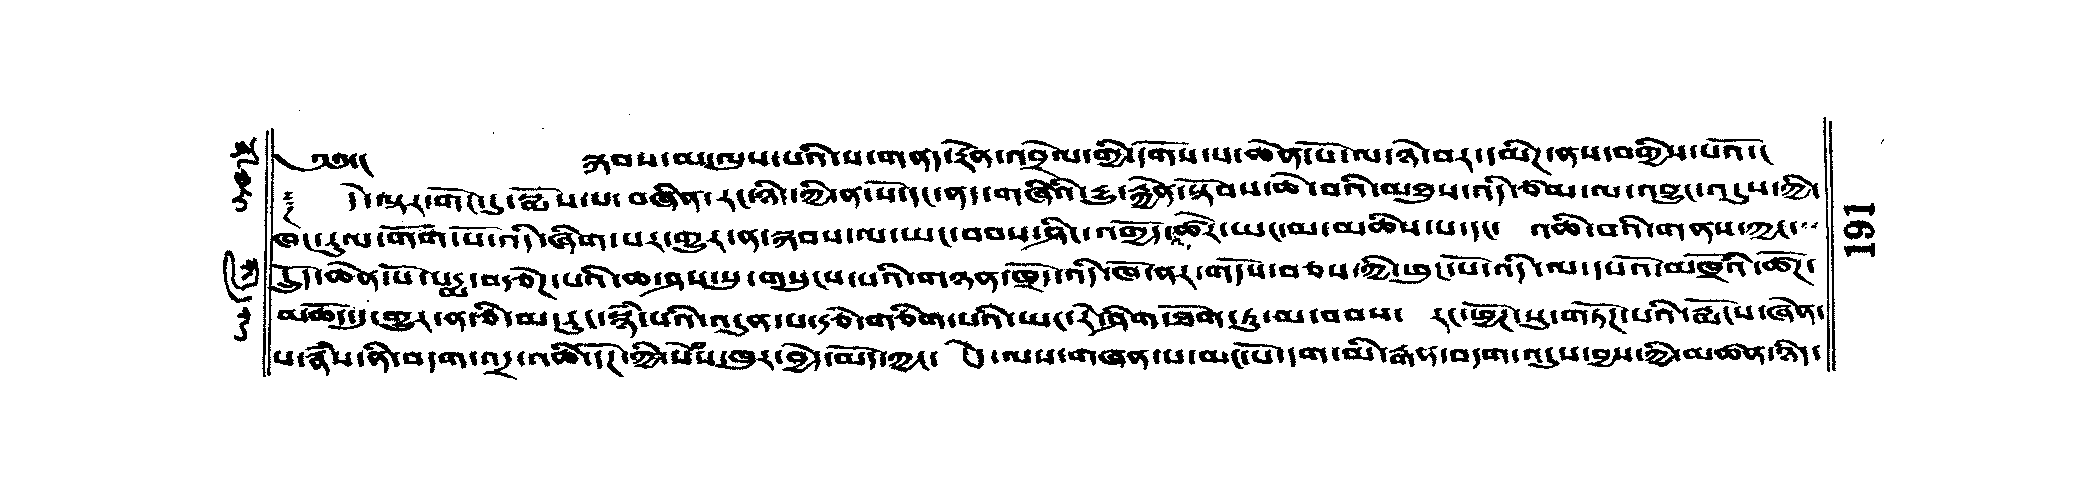སྐབས་མ་ལུས་པའི་ས་གནད་རྟེན་འབྲེལ་གྱི་དགོས་པ་ཆེན་པོ་ལ་ཉེ་བར་དམིགས་ནས་བགྱིས་པའོ།། 
༈ དེ་ལྟར་གོང་དུ་སྨོས་པ་བཞིན་རང་ཉིད་ཀྱི་ན་སོ་དང་ནད་གཞིའི་རྒྱུ་རྐྱེན་སྟོབས་ཆེ་བའི་མཐུས་འདི་ཙམ་ལ་འབྱུང་འདུས་ཀྱི་
ཁང་རུལ་གོག་པོ་འདི་ཞིག་པར་གྱུར་ན་སྐབས་ལ་ཡང་བབས་ཤིང་འགྱོད་འཚེར་ཡང་མ་མཆིས་པ་དང་།འཆི་བའི་གནས་ཀྱང་
དུད་ཁྲོད་ཆེན་པོ་པདྨ་བརྩེགས་པའི་ཆ་ཤས་སུ་གསུངས་པའི་གཉན་ཁྲོད་འདི་ཁོ་ནར་གདོས་བཅས་ཀྱི་ཕུང་པོ་འདི་ལ་དཔའ་བོ་མཁའ་འགྲོའི་ཚོགས་
མཆོད་དུ་གྱུར་ན་ཅི་མ་རུང་སྙམ་པའི་འདུན་པ་རྩེ་གཅིག་ཏུ་ཆེ་ཡང་རེ་ཤིག་ཐོག་ཏུ་མ་བབས། རང་ཕྱོགས་སུ་གཏོགས་པའི་རྨོངས་ཞེན་
པ་རྣམས་ནི་བདག་འདྲ་འཆི་དོགས་ཀྱི་སེམས་ཁུར་བྱེད་མོད་ཀྱང་། ངེད་ལས་གཞན་པ་མང་པོ་དག་མི་རྒན་བདག་འདུས་བྱས་ཀྱི་མཚན་ཉིད་